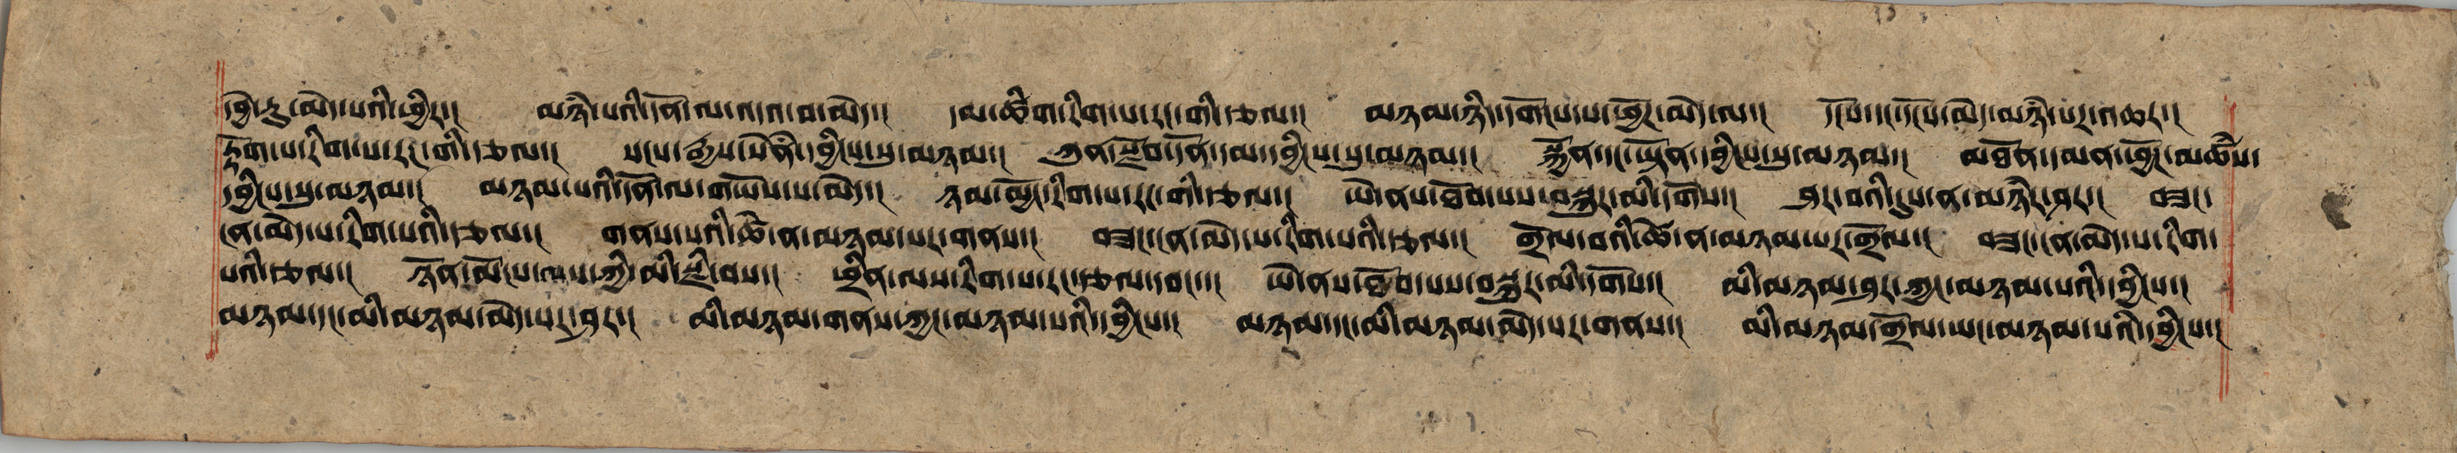དབྱེ་རུ་མེད་པའི་ཕྱིར་། མཉཾ་པའི་དོན་ལ་འདའ་བ་མེད་། དམ་ཚིག་རིག་པ་རང་གི་རྩལ་། མཉམ་ཉིད་དགོངས་པ་ཕྱོཌ་མེད་ལ་། དངོས་དང་དངོས་མེད་མཉཾ་པར་འཆར་།
རྟོག་པ་རིག་པ་རང་གི་རྩལ་། སངས་རྒྱས་སེནཾ་དབྱིངས་སུ་མཉམ་། ཀུན་སྫོབ་དོན་དམ་དབྱིངས་སུ་མཉམ་། སྐྱོན་དང་ཡྟོན་དབྱིངས་སུ་མཉམ་། མཐོན་དམན་ཕྱོཌ་མཚཾས་
དབྱིངས་སུ་མཉམ་། མཉམ་པའི་དོན་ལ་གཡོས་ས་མེད་། ཉམ་མྱོང་རིག་པ་རང་གི་རྩལ་། ཡེ་ནས་ཐོབ་པས་བསྐུར་མིི་དགོས་། ཤར་བའི་དུས་ན་མཉཾར་ཤར་། བཟང་
ངན་མཻད་པ་རིག་པའི་རྩལ་། གནས་པའི་ཚེ་ན་མཉམ་པར་གནས་། བཟང་ངན་མེད་པ་རིག་པའི་རྩལ་། གྲོལ་བའི་ཚེ་ན་མཉམ་པར་གྲོལ་། བཟང་ངན་མེད་པ་རིག་
པའི་རྩལ་། ཉོན་མོངས་ལས་ཀྱི་མི་སྫི་བས་། ཕྲིན་ལས་རིག་པ་རང་རྩལ་དབང་་། ཡེ་ནས་ཐོབ་པས་བསྐུར་མི་དགོས་། མི་མཉམ་ཤར་ཀྱང་མཉམ་པའི་དབྱིངས་།
མཉམ་དང་མི་མཉམ་མེད་པར་ཤར་། མི་མཉམ་གནས་ཀྱང་མཉམ་པའི་དབྱིངས་། མཉམ་དང་མི་མཉམ་མེད་པར་གནས་། མི་མཉམ་གྲོལ་ཡང་མཉམ་པའི་དབྱིངས་།